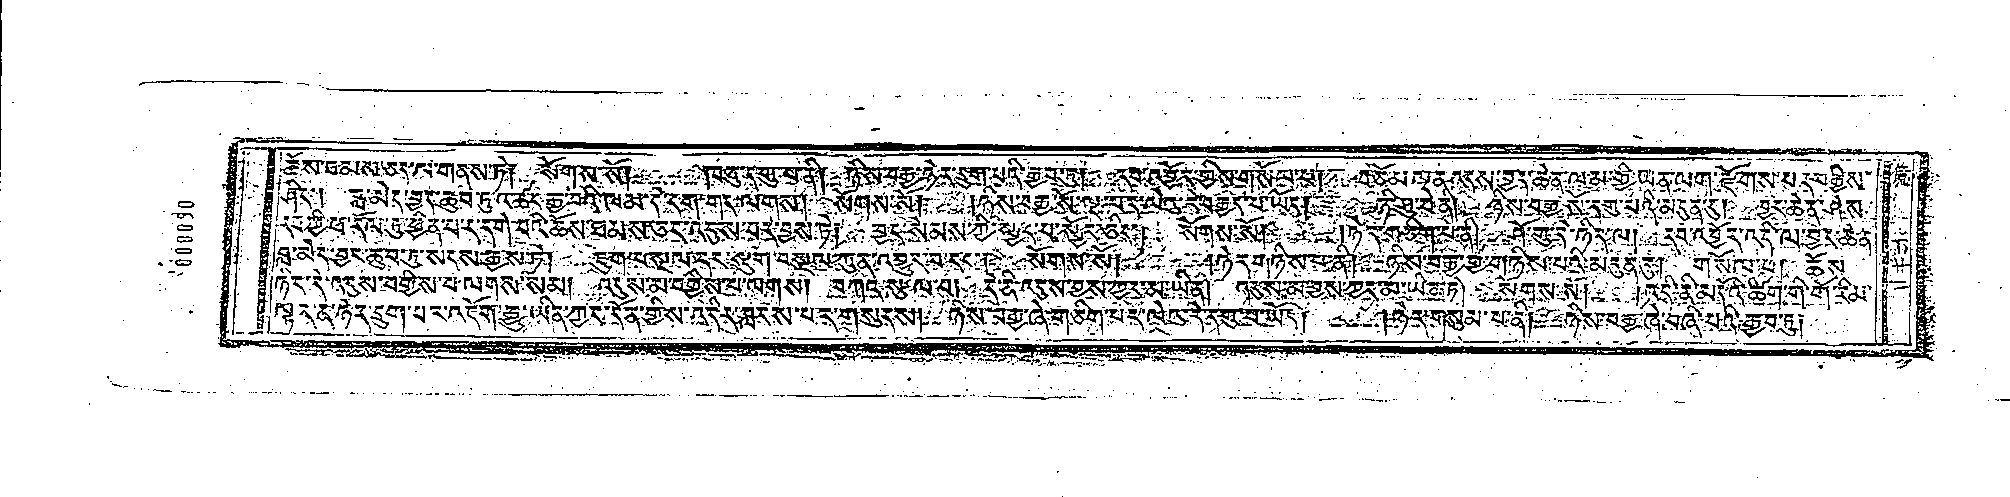ཆོས་ཐམས་ཅད་ལ་གནས་ཏེ། སོགས་སོ། །བཅུ་དགུ་པ་ནི། ཉིས་བརྒྱ་ཉེར་དྲུག་པའི་རྒྱབ་ཏུ། རབ་འབྱོར་གྱིས་གསོལ་པ། བཅོམ་ལྡན་འདས་བྱང་ཆེན་ལམ་གྱི་ཡན་ལག་རྫོགས་པར་བརྒྱིས་
ཤིང་། བླ་མེད་བྱང་ཆུབ་ཏུ་འཚང་རྒྱ་བའི་ལམ་དེ་དག་གང་ལགས། སོགས་སོ། །ཉིས་བརྒྱ་སོ་ལྔ་པར་ལེའུ་རེ་བརྒྱད་པ་ཡོད། ཉི་ཤུ་བ་ནི། ཉིས་བརྒྱ་སོ་དགུ་པའི་མདུན་དུ། བྱང་ཆེན་ཤེས་
རབ་ཀྱི་ཕ་རོལ་ཏུ་ཕྱིན་པར་དགེ་བའི་ཆོས་ཐམས་ཅད་འདུས་པར་བྱས་ཏེ། བྱང་སེམས་ཀྱི་སྤྱང་པ་སྤྱོད་ཅིང་། སོགས་སོ། །ཉེར་གཅིག་པ་ནི། ཤོ་གུ་དེ་ཉིད་ལ། རབ་འབྱེར་འདི་ལ་བྱང་ཆེན་
བླ་མེད་བྱང་ཆུབ་ཏུ་སངས་རྒྱས་ཏེ། སྡུག་བསྔལ་དང་སྡུག་བསྔལ་ཀུན་འབྱུང་བ་དང་། སོགས་སོ། །ཉེར་གཉིས་པ་ནི། ཉིས་བརྒྱ་གྱ་གཉིས་པའི་མདུན་དུ། གསོལ་པ། ཆོས་
ཉིད་དེ་འདུས་བགྱིས་པ་ལགས་སམ། འདུས་མ་བགྱིས་པ་ལགས། བཀའ་སྩལ་པ། དེ་ནི་འདུས་བྱས་ཀྱང་མ་ཡིན། འདུས་མ་བྱས་ཀྱང་མ་ཡིན་ཏེ། སོགས་སོ། །འདི་ནི་མདོའི་ཚིག་གི་གོ་རིམ་
ལྟར་ན་ཉེར་དྲུག་པར་འཇོག་རྒྱུ་ཡིན་ཀྱང་དོན་གྱིས་འདིར་བླངས་པར་གསུངས། ཉིས་བརྒྱ་ཞེ་གཅིག་པར་ལེའུ་དེ་དགུ་པ་ཡོད། །ཉེར་གསུམ་པ་ནི། ཉིས་བརྒྱ་ཞེ་བཞི་པའི་རྒྱབ་ཏུ།